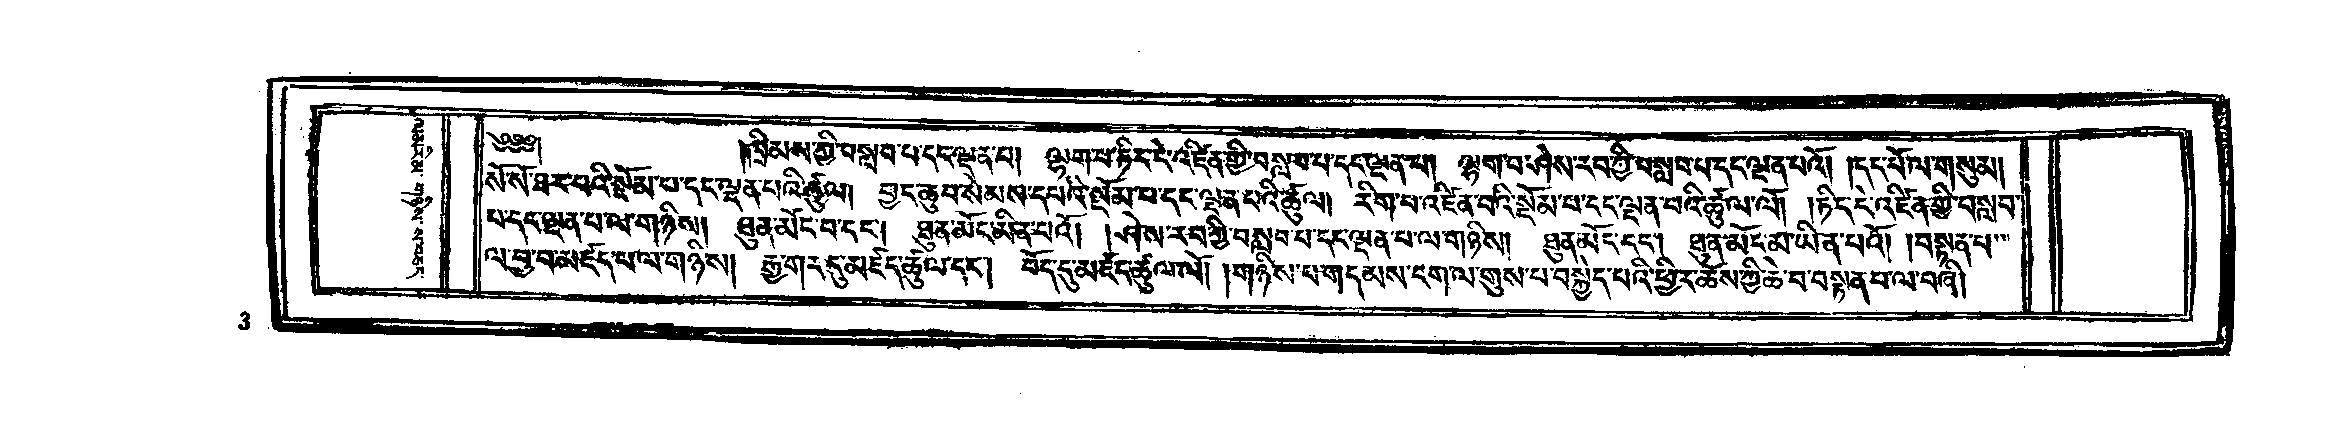༄༅༅། །ཁྲིམས་ཀྱི་བསླབ་པ་དང་ལྡན་པ། ལྷག་པ་ཏིང་ངེ་འཛིན་གྱི་བསླབ་པ་དང་ལྡན་པ། ལྷག་པ་ཤེས་རབ་ཀྱི་བསླབ་པ་དང་ལྡན་པའོ། །དང་པོ་ལ་གསུམ།
སོ་སོ་ཐར་པའི་སྡོམ་པ་དང་ལྡན་པའི་ཚུལ། བྱང་ཆུབ་སེམས་དཔའི་སྡོམ་པ་དང་ལྡན་པའི་ཚུལ། རིག་པ་འཛིན་པའི་སྡོམ་པ་དང་ལྡན་པའི་ཚུལ་ལོ། །ཏིང་ངེ་འཛིན་གྱི་བསླབ་
པ་དང་ལྡན་པ་ལ་གཉིས། ཐུན་མོང་བ་དང་། ཐུན་མོང་མིན་པའོ། །ཤེས་རབ་ཀྱི་བསླབ་པ་དང་ལྡན་པ་ལ་གཉིས། ཐུན་མོང་དང་། ཐུན་མོང་མ་ཡིན་པའོ། །བསྟན་པ་
ལ་བྱ་བ་མཛད་པ་ལ་གཉིས། རྒྱ་གར་དུ་མཛད་ཚུལ་དང་། བོད་དུ་མཛད་ཚུལ་ལོ། །གཉིས་པ་གདམས་ངག་ལ་གུས་པ་བསྐྱེད་པའི་ཕྱིར་ཆོས་ཀྱི་ཆེ་བ་བསྟན་པ་ལ་བཞི།